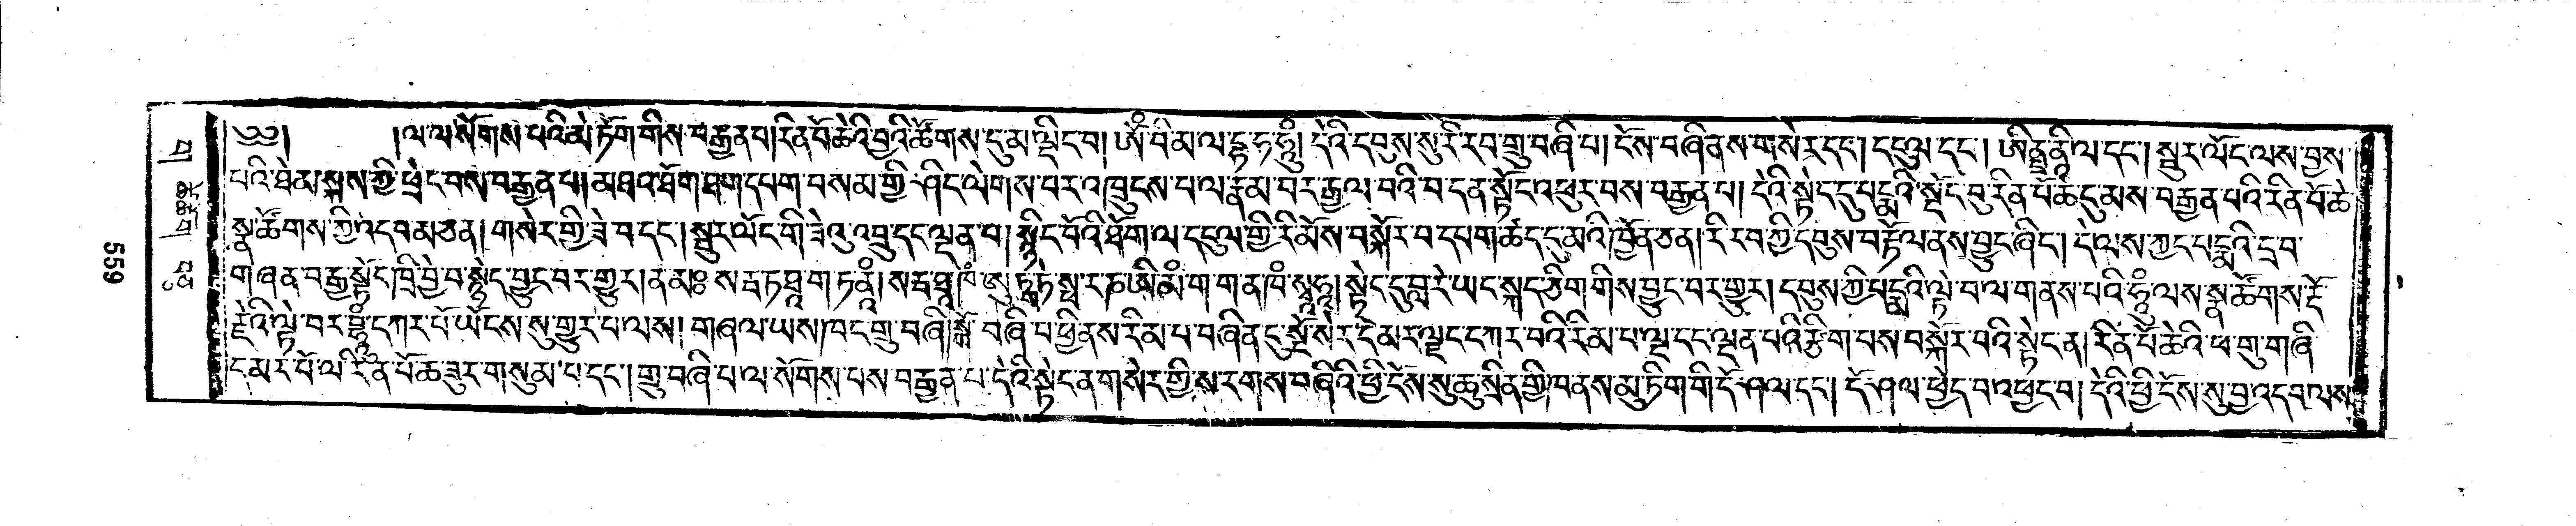༄༅། །ལ་ལ་སོགས་པའི་མེ་ཏོག་གིས་བརྒྱན་པ། རིན་པོ་ཆེའི་བྱའི་ཚོགས་དུ་མ་ལྡིང་བ། ཨོཾ་བི་མ་ལ་དྷ་ཧ་ཧཱུཾ། དེའི་དབུས་སུ་རི་རབ་གྲུ་བཞི་པ། ངོས་བཞི་ནས་གསེར་དང་། དངུལ་དང་། ཨིནྡྲ་ནཱི་ལ་དང་། སྦུར་ལོང་ལས་བྱས་
པའི་ཐེམ་སྐས་ཀྱི་ཕྲེང་བས་བརྒྱན་པ། མཐའ་ཐོག་ཐག་དཔག་བསམ་གྱི་ཤིང་ལེགས་པར་འཁྲུངས་པ་ལ་རྣམ་པར་རྒྱལ་བའི་བ་དན་སྟོང་འཕུར་བས་བརྒྱན་པ། དེའི་སྟེང་དུ་པདམའི་སྡོང་བུ་རིན་པོ་ཆེ་དུ་མས་བརྒྱན་པའི་རིན་པོ་ཆེ་
སྣ་ཚོགས་ཀྱི་འདབ་མ་ཅན། གསེར་གྱི་ཟེ་བ་དང་། སྤུར་ལོང་གི་ཟེའུ་འབྲུ་དང་ལྡན་པ། སྙིང་པོའི་ཐོག་ལ་དངུལ་གྱི་རི་མོས་བསྐོར་བ་དཔག་ཚད་དུ་མའི་ཁྱོན་ཅན། རི་རབ་ཀྱི་དབུས་བརྟོལ་ནས་བྱུང་ཞིང་། དེ་ལས་ཀྱང་པདམའི་དྲ་བ་
གཞན་བརྒྱ་སྟོང་ཁྲི་བྱེ་བ་སྙེད་བྱུང་བར་གྱུར། ན་མཿ སརྦ་ཏ་ཐཱ་ག་ཏ་ནཱཾ། སརྦ་ཐཱ་ཁཾ་ཨུཏྒ་ཏེ་སྥ་ར་ཎ་ཨི་མཾ་ག་ག་ན་ཁཾ་སྭཱཧཱ། སྟེང་དུ་བླ་རེ་ཡང་སྐད་ཅིག་གིས་བྱུང་བར་གྱུར། དབུས་ཀྱི་པདམའི་ལྟེ་བ་ལ་གནས་པའི་ཧཱུཾ་ལས་སྣ་ཚོགས་རྡོ་
རྗེའི་ལྟེ་བར་བྷྲཱུཾ་དཀར་པོ་ཡོངས་སུ་གྱུར་པ་ལས། གཞལ་ཡས་ཁང་གྲུ་བཞི་སྒོ་བཞི་པ་ཕྱི་ནས་རིམ་པ་བཞིན་དུ་སྔོ་སེར་དམར་ལྗང་དཀར་བའི་རིམ་པ་ལྔ་དང་ལྡན་པའི་རྩིག་པས་བསྐོར་བའི་སྟེང་ན། རིན་པོ་ཆེའི་ཕ་གུ་གཞི་
དམར་པོ་ལ་རིན་པོ་ཆེ་ཟུར་གསུམ་པ་དང་། གྲུ་བཞི་པ་ལ་སོགས་པས་བརྒྱན་པ། དེའི་སྟེང་ན་གསེར་གྱི་སྐ་རགས་བཞིའི་ཕྱི་ངོས་སུ་ཆུ་སྲིན་གྱི་ཁ་ནས་མུ་ཏིག་གི་དོ་ཤལ་དང་། དོ་ཤལ་ཕྱེད་བ་འཕྱང་བ། དེའི་ཕྱི་ངོས་སུ་བྱ་འདབ་ལས་